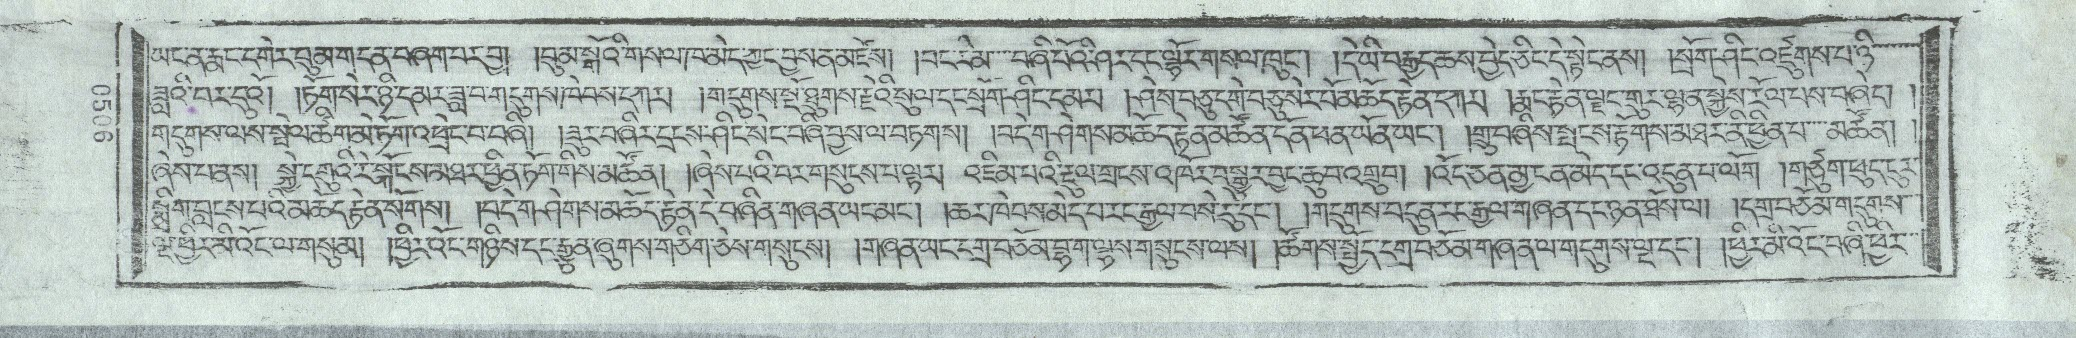ཡང་ན་རྨང་དགེར་བུམ་གདན་བཞག་པར་བྱ། །བུམ་སྒོའི་གསལ་ཁ་མེད་ཀྱང་བྱས་ན་མཛེས། །བང་རིམ་བཞི་པོའི་ཤར་དང་ལྷོར་གསལ་ཁུང་། །དེ་ཡི་བརྒྱད་ཆས་བྱེད་ཅིང་དེ་སྟེང་ནས། །སྲོག་ཤིང་འཛུགས་པ་ཉི་
ཟླའི་བར་དུའོ། །ཏོག་སེར་ཉི་དམར་ཟླ་བ་གདུགས་ཁེབས་དཀར། །གདུགས་སྡོ་ཐུགས་རྗེའི་སུལ་དང་སྲོག་ཤིང་དམར། །ཤེས་བཅུ་དགེ་བཅུ་སེར་པོ་མཆོད་རྟེན་དཀར། །རྨང་རྟེན་ལྗང་གུར་ལྷན་སྐྱེས་རོལ་བས་བཞེད། །
གདུགས་ལས་སྤེལ་ཚིག་མེ་ཏོག་འཕྲེང་བ་བཞི། །ཟུར་བཞིར་དྲངས་ཤིང་སེང་བཞི་བྱས་ལ་བཏགས། །བདེ་གཤེགས་མཆོད་རྟེན་མཚོན་དོན་ཕན་ཡོན་ཡང་། །གྲུ་བཞིས་སྤངས་རྟོགས་མཐར་ནི་ཕྱིན་པ་མཚོན།
ཞེས་པ་ནས། སྐྱེ་དགུའི་རེ་སྐོངས་མཐར་ཕྱིན་ཏོག་གིས་མཚོན། །ཞེས་པའི་བར་གསུངས་པ་ལྟར། འཇིམ་པའི་རྡུལ་གྲངས་འཁོར་བསྒྱུར་བྱང་ཆུབ་འགྲུབ། །འོང་ཅན་མྱ་ངན་མེད་དང་འདུན་པ་ལོག །གཙུག་ཕུང་དུར་
སྨྲིག་བླངས་པའི་མཆོད་རྟེན་སོགས། །བདེ་གཤེགས་མཆོད་རྟེན་དེ་བཞིན་གཞན་ཡང་མང་། །ཆར་ཁེབས་མེད་པ་རང་རྒྱལ་བསེ་རུ་དང་། །གདུགས་བདུན་རང་རྒྱལ་གཞན་དང་ཉན་ཐོས་ལ། །དགྲ་བཅོམ་གདུགས་
ལྔ་ཕྱིར་མི་འོད་ལ་གསུམ?། ཕྱིར་འོང་གཉིས་དང་རྒྱུན་ཞུགས་གཅིག་ཅེས་གསུངས། །གཞན་ཡང་དགྲ་བཅོམ་བྷག་ལྷས་གསུངས་ལས། །ཚོགས་སྦྱོད་དགྲ་བཅོམ་གཞན་ལ་གདུགས་ལྔ་དང་། །ཕྱིར་མི་འོང་བཞི་ཕྱིར་